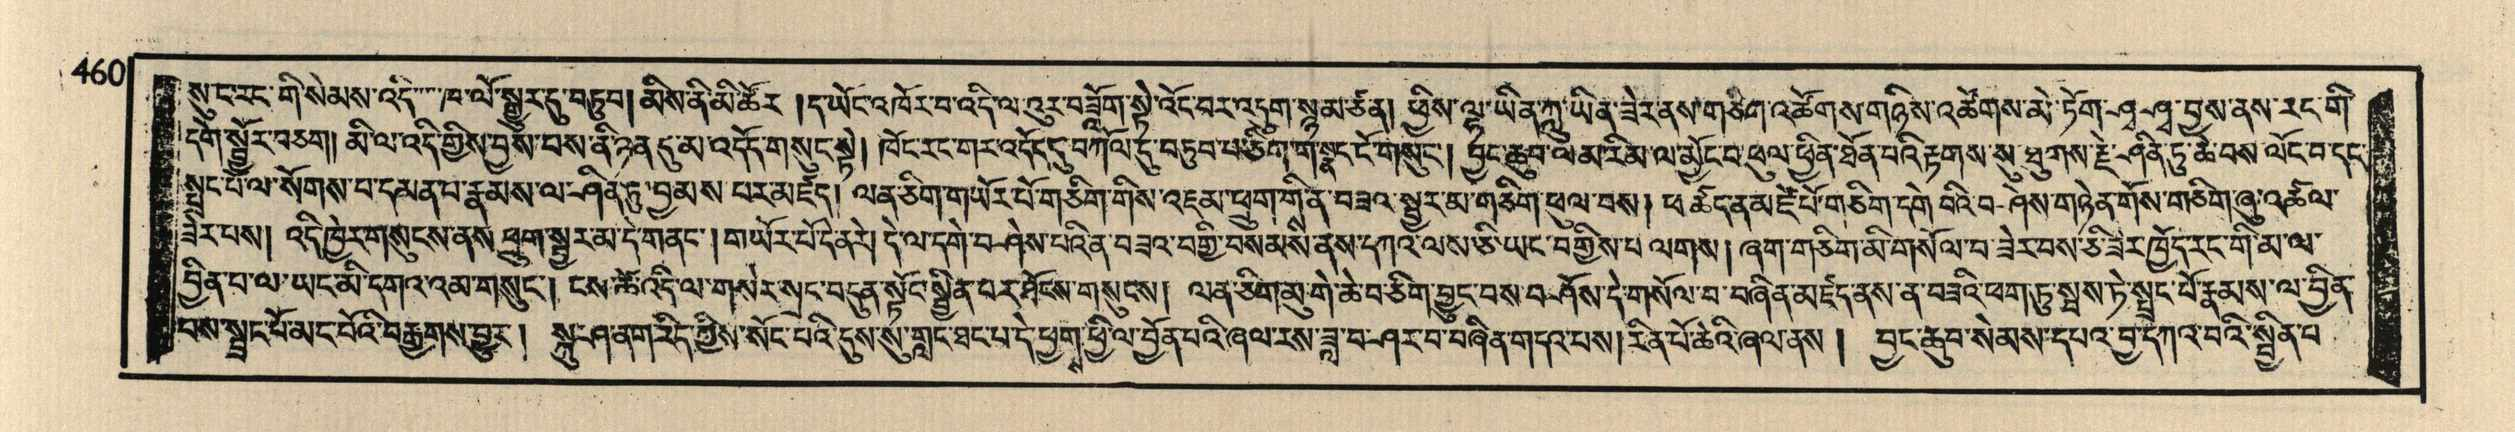སུ་ང་རང་གི་སེམས་འདི་ཁ་ལོ་སྒྱུར་དུ་བཏུབ། མིས་ནི་མི་ཚོར་།ད་ཡོང་འཁོར་བ་འདི་ལ་འུར་བཟློག་སྟེ་འོང་བར་འདུག་སྙམ་ཙ་ན། ཕྱིས་ལྷ་ཡིན་ཀླུ་ཡིན་ཟེར་ནས་གཅིག་འཚོགས་གཉིས་འཚོགས་མེ་ཏོག་ཤྭ་ཤྭ་བྱས་ནས་རང་གི་
དགེ་སྦྱོར་བཅག། མི་ལ་འདི་གྱིས་བྱས་པས་ནི་ཉན་དུ་མ་འདོད་གསུང་སྟེ། ཁོང་རང་གར་འདོད་དུ་བཀོལ་དུ་བཏུབ་པ་ཅིག་ག་སྣང་ངོ་གསུང་། བྱང་ཆུབ་ལམ་རིམ་ལ་མྱོང་བ་ཕུལ་ཕྱིན་ཐོན་པའི་རྟགས་སུ་ཐུགས་རྗེ་ཤིན་ཏུ་ཆེ་བས་ལོང་བ་དང་
སྤྲང་པོ་ལ་སོགས་པ་དམན་པ་རྣམས་ལ་ཤིན་ཏུ་བྱམས་པར་མཛད། ལན་ཅིག་གཡོར་པོ་གཅིག་གིས་འཇམ་ཕྲུག་གིས་ན་བཟའ་སྤྱན་མ་གཅིག་ཕུལ་བས། ཕ་ཚད་ན་མཛེ་པོ་གཅིག་དགེ་བའི་བཤེས་གཉེན་གོས་གཅིག་ཞུ་འཚལ་
ཟེར་པས། འདི་ཁྱེར་གསུངས་ནས་ཕྲུག་སྦྱར་མ་དེ་གནང་། གཡོར་པོ་དེ་ན་རེ། དེ་ལ་དགེ་བཤེས་པའི་ན་བཟའ་བགྱི་བསམས་ནས་དཀའ་ལས་ཅི་ཡང་བགྱིས་པ་ལགས། ཞག་གཅིག་མི་གསོལ་བ་ཟེར་བས་ཅི་ཟེར་ཁྱོད་རང་གི་མ་ལ་
བྱིན་པ་ལ་ཡང་མི་དགའ་འམ་གསུང་། ངས་ཚེ་འདི་ལ་གསེར་སྲང་བདུན་སྟོང་སྦྱིན་བར་ཐོངས་གསུངས། ལན་ཅིག་མུ་གེ་ཆེ་བ་ཅིག་བྱུང་བས་བཤོས་དེ་གསོལ་བ་བཞིན་མཛད་ནས་ན་བཟའི་ཕག་ཏུ་སྦས་ཏེ་སྤྲང་པོ་རྣམས་ལ་བྱིན་
པས་སྦྲང་པོ་མང་པོའི་བརྒྱགས་བྱུང་། སྐུ་ཤ་ནག་རིད་ཀྱིས་སོང་པའི་དུས་སུ་གླང་ཐང་པ་དེ་ཕྱགས་ཕྱི་ལ་བྱོན་པའི་ཞལ་རས་ཟླ་བ་ཤར་བ་བཞིན་གདའ་པས། རིན་པོ་ཆེའི་ཞལ་ནས། བྱང་ཆུབ་སེམས་དཔའ་བྱ་དཀའ་བའི་སྦྱིན་པ་